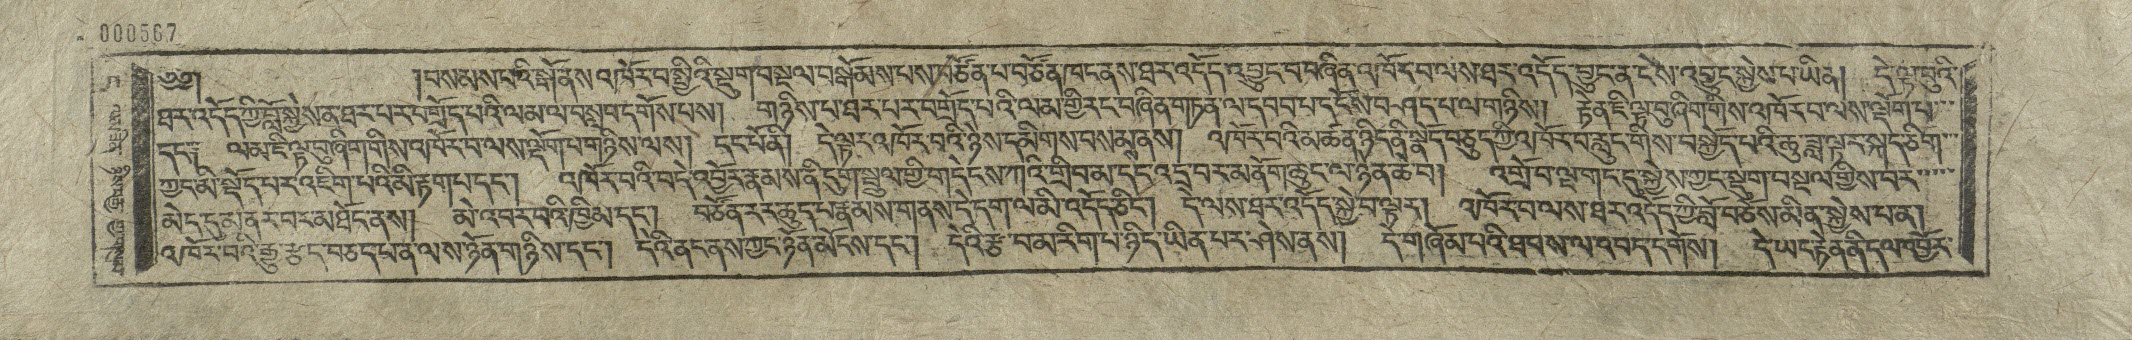༄༅། །བསམས་པའི་སྒོ་ནས་འཁོར་བ་སྤྱིའི་སྡུག་བསྔལ་བསྒོམས་པས་བཙོན་པ་བཙོན་ཁང་ནས་ཐར་འདོད་འབྱུང་བ་བཞིན་འཁོར་བ་ལས་ཐར་འདོད་བྱུང་ན་ངེས་འབྱུང་སྐྱེས་པ་ཡིན། དེ་ལྟ་བུའི་
ཐར་འདོད་ཀྱི་བློ་སྐྱེས་ན་ཐར་པར་བགྲོད་པའི་ལམ་ལ་བསླབ་དགོས་པས། གཉིས་པ་ཐར་པར་བགྲོད་པའི་ལམ་གྱི་རང་བཞིན་གཏན་ལ་དབབ་པ་དངོས་བཤད་པ་ལ་གཉིས། རྟེན་ཇི་ལྟ་བུ་ཞིག་གིས་འཁོར་བ་ལས་ལྡོག་པ་
དང༑ ལམ་ཇི་ལྟ་བུ་ཞིག་གིས་འཁོར་བ་ལས་ལྡོག་པ་གཉིས་ལས། དང་པོ་ནི། དེ་ལྟར་འཁོར་བའི་ཉེས་དམིགས་བསམས་ནས། འཁོར་བའི་མཚན་ཉིད་ནི་སྣོད་བཅུད་ཀྱི་འཁོར་བ་རླུང་གིས་བསྐྱོད་པའི་ཆུ་ཟླ་ལྟར་སྐད་ཅིག་
ཀྱང་མི་སྡོད་པར་འཇིག་པའི་མི་རྟག་པ་དང་། འཁོར་བའི་བདེ་འབྱོར་རྣམས་ནི་དུག་སྦྲུལ་གྱི་གདེངས་ཀའི་གྲིབ་མ་དང་འདྲ་བར་མནོག་ཆུང་ལ་ཉེན་ཆེ་བ། འགྲོ་བ་ལྔ་གང་དུ་སྐྱེས་ཀྱང་སྡུག་བསྔལ་གྱིས་བར་
མེད་དུ་མནར་བར་མཐོང་ནས། མེ་འབར་བའི་ཁྱིམ་དང་། བཙོན་རར་ཆུད་པ་རྣམས་གནས་དེ་དག་ལ་མི་འདོད་ཅིང་། དེ་ལས་ཐར་འདོད་སྐྱེ་བ་ལྟར། འཁོར་བ་ལས་ཐར་འདོད་ཀྱི་བློ་བཅོས་མིན་སྐྱེས་པ་ན།
འཁོར་བའི་རྒྱུ་རྩད་བཅད་པ་ན་ལས་ཉོན་གཉིས་དང་། དེའི་ནང་ནས་ཀྱང་ཉོན་མོངས་དང་། དེའི་རྩ་བ་མ་རིག་པ་ཉིད་ཡིན་པར་ཤེས་ནས། དེ་གཞོམ་པའི་ཐབས་ལ་འབད་དགོས། དེ་ཡང་རྟེན་ནི་དལ་འབྱོར་